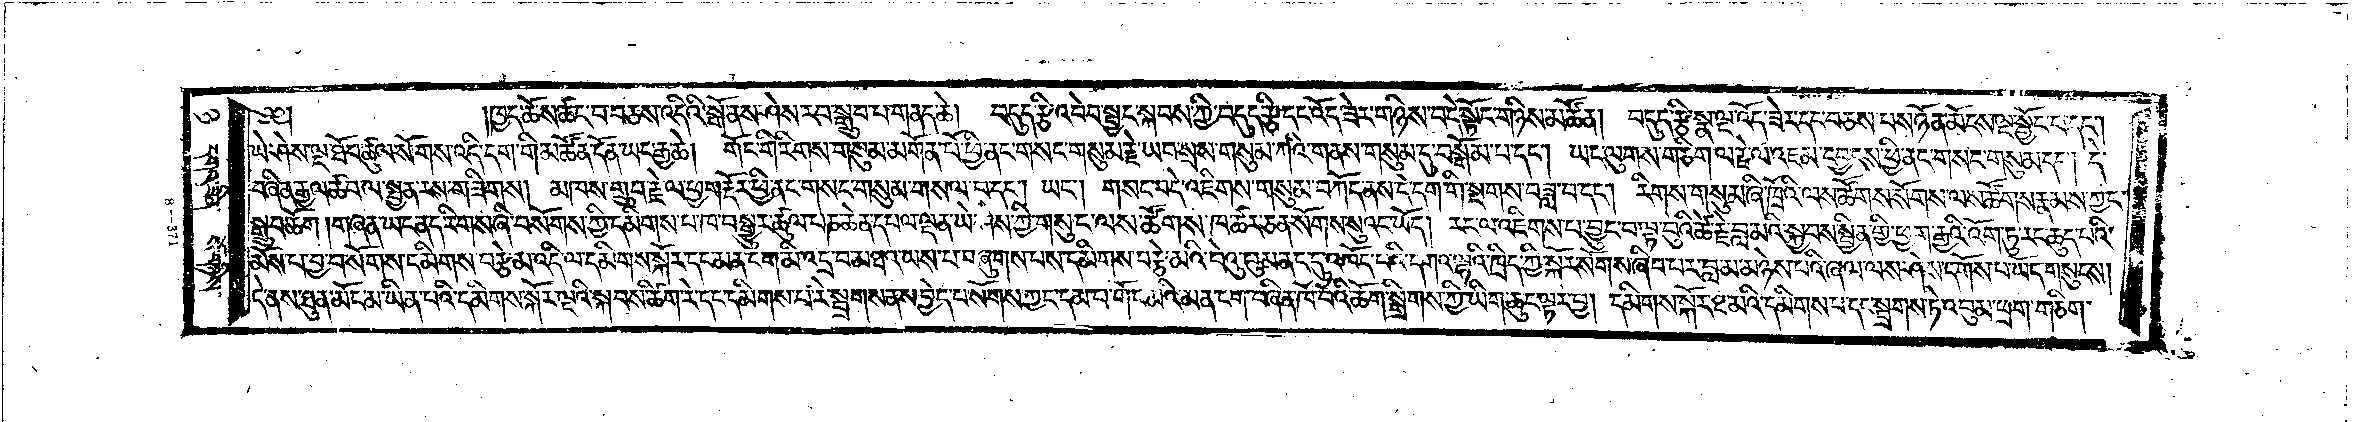༄༅། །ཁྱད་ཆོས་ཚང་བ་བཅས་འདིའི་སྒོ་ནས་ཤེས་རབ་སྒྲུབ་པ་གནད་ཆེ། བདུད་རྩི་འབེབ་སྦྱང་སྐབས་ཀྱི་བདུད་རྩི་དང་འོད་ཟེར་གཉིས་བདེ་སྟོང་གཉིས་མཚོན། བདུད་རྩི་སྣ་ལྔ་འོད་ཟེར་དང་བཅས་པས་ཉོན་མོངས་ལྔ་སྦྱོང་བ་དང་།
ཡེ་ཤེས་ལྔ་ཐོབ་ཚུལ་སོགས་འདི་དག་གི་མཚོན་དོན་ཡང་རྒྱ་ཆེ། གོང་གི་རིགས་གསུམ་མགོན་པོ་ཕྱི་ནང་གསང་གསུམ་རྗེ་ཡབ་སྲས་གསུམ་ཀའི་གནས་གསུམ་དུ་བསྒོམ་པ་དང་། ཡང་ལུགས་གཅིག་ལ་རྗེ་ལ་འཇམ་དབྱངས་ཕྱི་ནང་གསང་གསུམ་དང་། དེ་
བཞིན་རྒྱལ་ཚབ་ལ་སྤྱན་རས་གཟིགས། མཁས་གྲུབ་རྗེ་ལ་ཕྱག་རྡོར་ཕྱི་ནང་གསང་གསུམ་གསལ་བ་དང་། ཡང་། གསང་བདེ་འཇིགས་གསུམ་བཀོད་ནས་དེ་དག་གི་སྔགས་བཟླ་བ་དང་། རིགས་གསུམ་ཞི་ཁྲོའི་ལས་ཚོགས་སོགས་ལས་ཚོགས་རྣམས་ཀྱང་
སྒྲུབ་ཆོག །གཞན་ཡང་ནད་རིགས་ཞི་བ་སོགས་ཀྱི་དམིགས་པ་ཁ་བསྒྱུར་ཚུལ་པཎ་ཆེན་དཔལ་ལྡན་ཡེ་ཤེས་ཀྱི་གསུང་ལས་ཚོགས་ཁ་ཚར་ཅན་སོགས་སུའང་ཡོད། རང་ལ་འཇིགས་པ་བྱུང་བ་ལྟ་བུའི་ཚེ་རྗེ་བླ་མའི་སྐྱབས་སྦྱིན་གྱི་ཕྱག་རྒྱའི་འོག་ཏུ་རང་ཆུད་པའི་
མོས་པ་བྱ་བ་སོགས་དམིགས་བརྩེ་མ་འདི་ལ་དམིགས་སྐོར་དང་མན་ངག་མི་འདྲ་བ་མཐའ་ཡས་པ་བཞུགས་པས་དམིགས་བརྩེ་མའི་བེའུ་བུམ་ནང་དུ་འཁོད་པའི་དགའ་ལྷའི་ཁྲིད་ཀྱི་སྐོར་སོགས་ཞིབ་པར་བླ་མ་མཉེས་པའི་ཞལ་ལས་ཤེས་དགོས་པ་ཡོད་གསུངས།
དེ་ནས་ཐུན་མོང་མ་ཡིན་པའི་དམིགས་སྐོར་ལྔའི་སྐབས་ཚིག་རེ་དང་དམིགས་པ་རེ་སྤྲགས་ནས་བྱེད་པ་སོགས་ཀྱང་དམ་པ་གོང་མའི་མན་ངག་བཞིན་ཁོ་བོའི་ཆོག་སྒྲིགས་ཀྱི་ཡིག་ཆུང་ལྟར་བྱ། དམིགས་སྐོར་ཐ་མའི་དམིགས་པ་དང་སྦྲགས་ཏེ་འབུམ་ཕྲག་གཅིག་